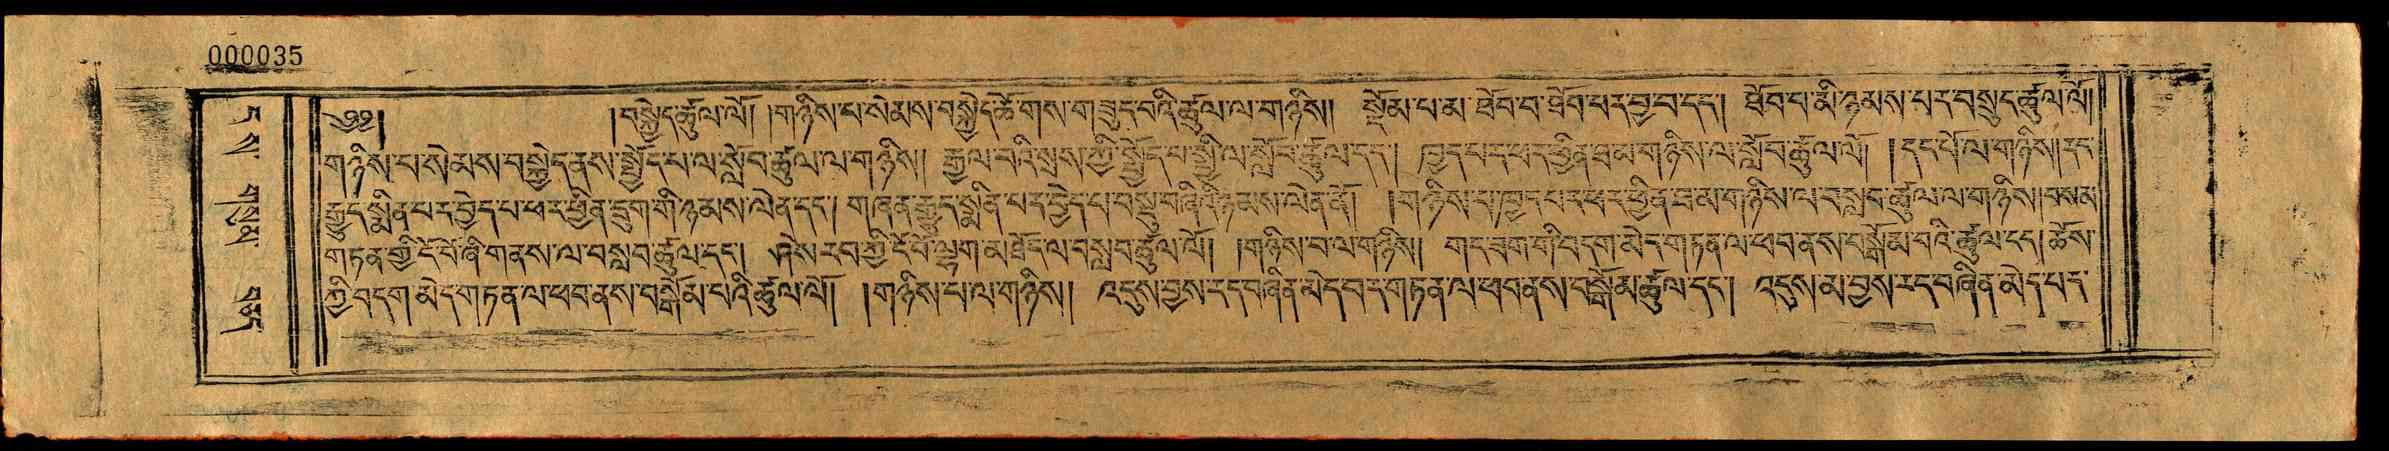༄༅། །བསྐྱེད་ཚུལ་ལོ། །གཉིས་པ་སེམས་བསྐྱེད་ཆོ་གས་གཟུང་བའི་ཚུལ་ལ་གཉིས། སྡོམ་པ་མ་ཐོབ་བ་ཐོབ་པར་བྱ་བ་དང་། ཐོབ་བ་མི་ཉམས་བར་བསྲུང་ཚུལ་ལོ།
གཉིས་པ་སེམས་བསྐྱེད་ནས་སྤྱོད་པ་ལ་སློབ་ཚུལ་ལ་གཉིས། རྒྱལ་བའི་སྲས་ཀྱི་སྤྱོད་པ་སྤྱི་ལ་སློབ་ཚུལ་དང་། ཁྱད་པར་ཕར་ཕྱིན་ཐ་མ་གཉིས་ལ་སློབ་ཚུལ་ལོ། །དང་པོ་ལ་གཉིས། རང་
རྒྱུད་སྨིན་པར་བྱེད་པ་ཕར་ཕྱིན་དྲུག་གི་ཉམས་ལེན་དང་། གཞན་རྒྱུད་སྨིན་པར་བྱེད་པ་བསྡུ་བཞིའི་ཉམས་ལེན་ནོ། །གཉིས་པ་ཁྱད་པར་ཕར་ཕྱིན་ཐ་མ་གཉིས་ལ་བསླབ་ཚུལ་ལ་གཉིས། བསམ་
གཏན་གྱི་ངོ་བོ་ཞི་གནས་ལ་བསླབ་ཚུལ་དང་། ཤེས་རབ་ཀྱི་ངོ་བོ་ལྷག་མཐོང་ལ་བསླབ་ཚུལ་ལོ། །གཉིས་པ་ལ་གཉིས། གང་ཟག་གི་བདག་མེད་གཏན་ལ་ཕབ་ནས་བསྒོམ་པའི་ཚུལ་དང་། ཆོས་
ཀྱི་བདག་མེད་གཏན་ལ་ཕབ་ནས་བསྒོམ་པའི་ཚུལ་ལོ། །གཉིས་པ་ལ་གཉིས། འདུས་བྱས་རང་བཞིན་མེད་པར་གཏན་ལ་ཕབ་ནས་བསྒོམ་ཚུལ་དང་། འདུས་མ་བྱས་རང་བཞིན་མེད་པར་